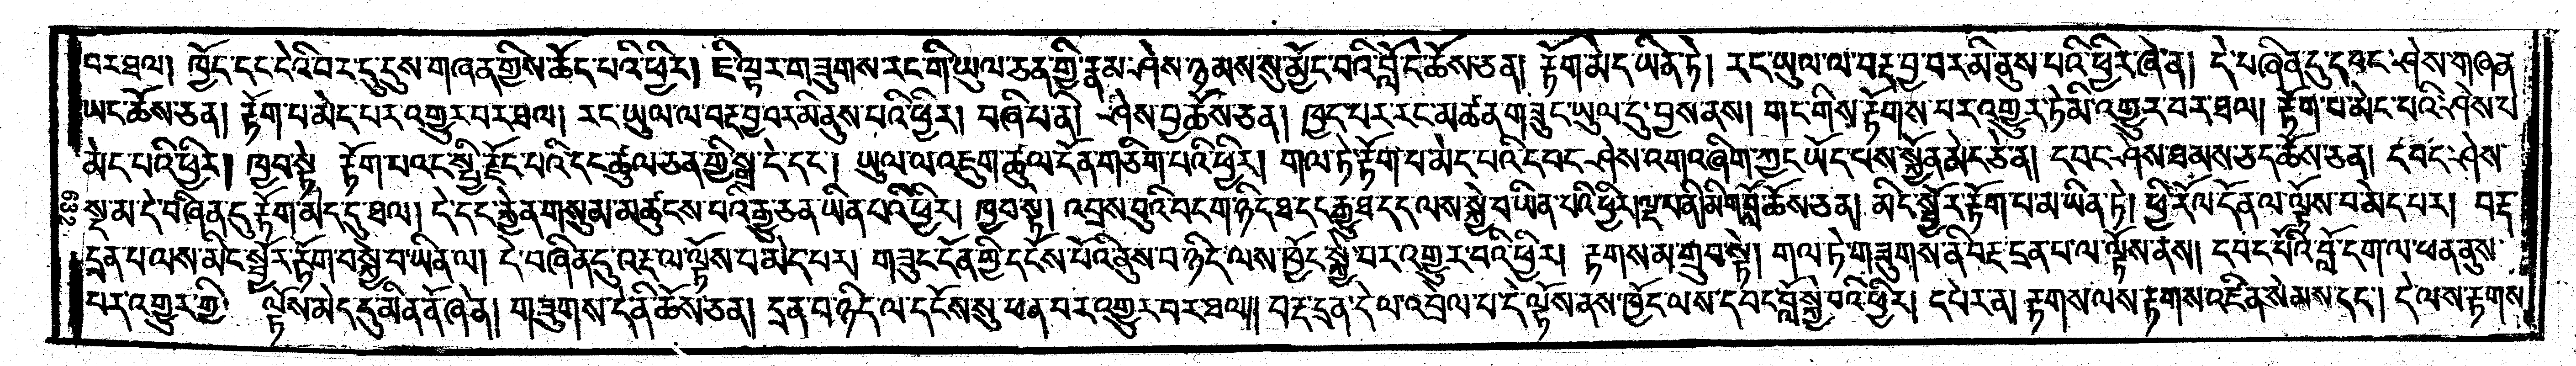བར་ཐལ། ཁྱོད་དང་དེའི་བར་དུ་དུས་གཞན་གྱིས་ཆོད་པའི་ཕྱིར། ཇི་ལྟར་གཟུགས་རང་གི་ཡུལ་ཅན་གྱི་རྣམ་ཤེས་ཉམས་སུ་མྱོང་བའི་བློ་ངེ་ཆོས་ཅན། རྟོག་མེད་ཡིན་ཏེ། རང་ཡུལ་ལ་བརྡ་བྱ་བར་མི་ནུས་པའི་ཕྱིར་ཞེ་ན། དེ་བཞིན་དུ་དབང་ཤེས་གཞན་
ཡང་ཆོས་ཅན། རྟོག་པ་མེད་པར་འགྱུར་བར་ཐལ། རང་ཡུལ་ལ་བརྡ་བྱ་བར་མི་ནུས་པའི་ཕྱིར། བཞི་པ་ནི། ཤེས་བྱ་ཆོས་ཅན། ཁྱད་པར་རང་མཚན་གཟུང་ཡུལ་དུ་བྱས་ནས། གང་གིས་རྟོགས་པར་འགྱུར་ཏེ་མི་འགྱུར་བར་ཐལ། རྟོག་པ་མེང་པའི་ཤེས་པ་
མེད་པའི་ཕྱིར། ཁྱབ་སྟེ། རྟོག་པའང་སྤྱི་རྗོང་པའི་དང་ཚུལ་ཅན་གྱི་སྒྲ་དེ་དང་། ཡུལ་ལ་འཇུག་ཚུལ་དོན་གཅིག་པའི་ཕྱིར། གལ་ཏེ་རྟོག་པ་མེད་པའི་དབང་ཤེས་འགའ་ཞིག་ཀྱང་ཡོད་པས་སྐྱོན་མེད་ཅེ་ན། དབང་ཤེས་ཐམས་ཅད་ཆོས་ཅན། དབང་ཤེས་
སྔ་མ་དེ་བཞིན་དུ་རྟོག་མེད་དུ་ཐལ། དེ་དང་རྐྱེན་གསུམ་མཚུངས་པའི་རྒྱུ་ཅན་ཡིན་པའི་ཕྱིར། ཁྱབ་སྟེ། འབྲས་བུའི་བདག་ཉིད་ཐ་དང་རྒྱུ་ཐ་དད་ལས་སྐྱེ་བ་ཡིན་པའི་ཕྱིར། ལྔ་པ་ནི། མིག་བློ་ཆོས་ཅན། མིང་སྦྱོར་རྟོག་པ་མ་ཡིན་ཏེ། ཕྱི་རོལ་དོན་ལ་ལྟོས་བ་མེད་པར། བརྡ་
དྲན་པ་ལས་མིང་སྦྱོར་རྟོག་བསྐྱེ་བ་ཡིན་ལ། དེ་བཞིན་དུ་འདྲ་ལ་ལྟོས་པ་མེད་པར། གཟུང་དོན་གྱི་དངོས་པོའི་ནུས་བ་ཉིད་ལས་ཁྱོང་སྐྱེ་བར་འགྱུར་བའི་ཕྱིར། རྟགས་མ་གྲུབ་སྟེ། གལ་ཏེ་གཟུགས་ནི་བརྡ་དྲན་པ་ལ་ལྟོས་ནས། དབང་པོའི་བློ་དག་ལ་ཕན་ནུས་
པར་འགྱུར་གྱི། ལྟོས་མེད་དུ་མིན་ནོ་ཞེ་ན། གཟུགས་དེ་ནི་ཆོས་ཅན། དྲན་བན་ཡིད་ལ་དངོས་སུ་ཕན་བར་འགྱུར་བར་ཐལ། །བརྡ་དྲན་དེལ་འབྲེལ་པ་དེ་ལྟོས་ནས་ཁྱོད་ལས་དབང་བོ་སྐྱེ་བའི་ཕྱིར། དཔེར་ན། རྟགས་ལས་རྟགས་འཛིན་སེམས་དང་། དེ་ལས་རྟགས་